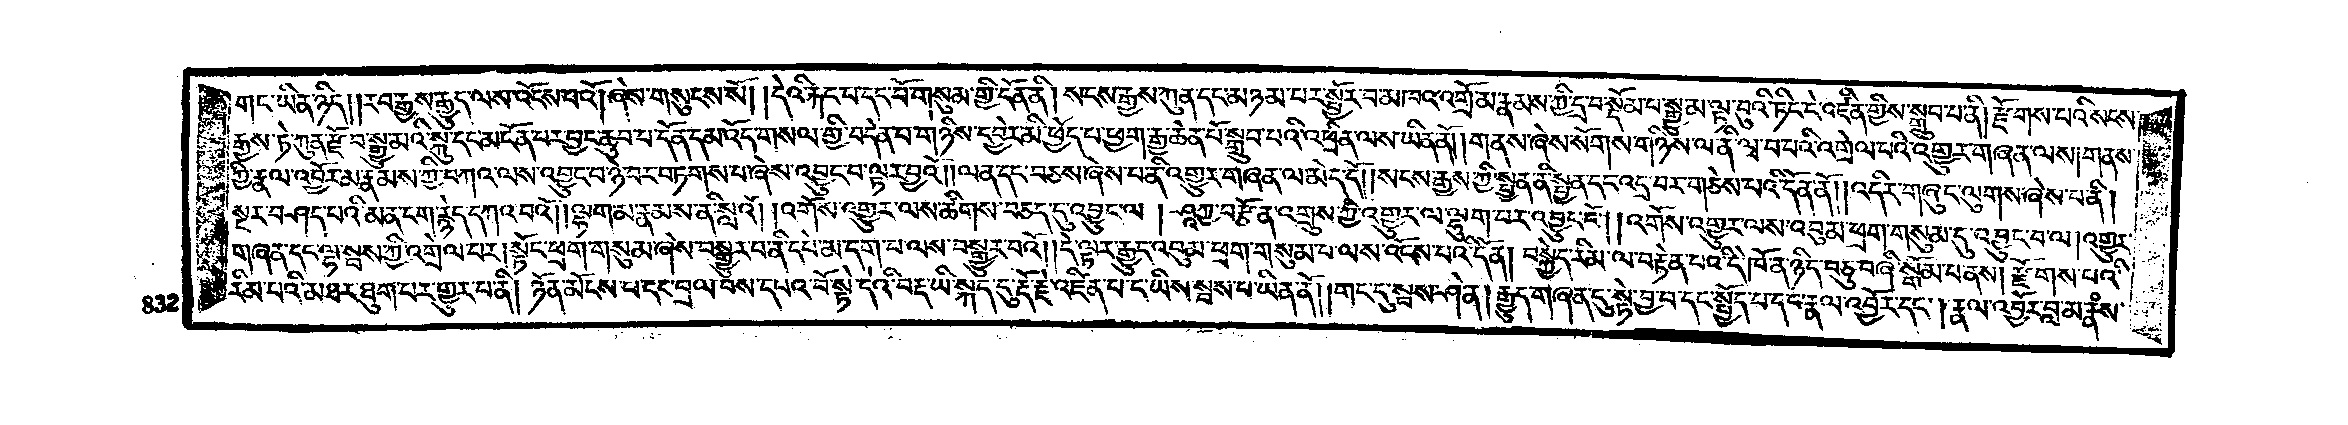གང་ཡིན་ཉིད། །རབ་རྒྱས་རྒྱུད་ལས་འོངས་པའོ། ཞེས་གསུངས་སོ། །དེའི་རྐང་པ་དང་པོ་གསུམ་གྱི་དོན་ནི། སངས་རྒྱས་ཀུན་དང་མཉམ་པར་སྦྱོར་བ་མཁའ་འགྲོ་མ་རྣམས་ཀྱི་དྲ་བ་སྡོམ་པ་སྒྱུ་མ་ལྟ་བུའི་ཏིང་ངེ་འཛིན་གྱིས་སྒྲུབ་པ་ནི། རྫོགས་པའི་སངས་
རྒྱས་ཏེ་ཀུན་རྫོབ་སྒྱུ་མའི་སྐུ་དང་མངོན་པར་བྱང་ཆུབ་པ་དོན་དམ་འོད་གསལ་གྱི་བདེན་པ་གཉིས་དབྱེར་མི་ཕྱེད་པ་ཕྱག་རྒྱ་ཆེན་པོ་སྒྲུབ་པའི་འཕྲིན་ལས་ཡིན་ནོ། །གནས་ཞེས་སོགས་གཉིས་ལ་ནི་ལྭ་བ་པའི་འགྲེལ་པའི་འགྱུར་གཞན་ལས། གནས་
ཀྱི་རྣལ་འབྱོར་མ་རྣམས་ཀྱི་བཀའ་ལས་འབྱུང་བ་ཉེ་བར་བཏགས་པ་ཞེས་འབྱུང་བ་ལྟར་བྱའོ། །ལན་དང་བཅས་ཞེས་པ་ནི་འགྱུར་གཞན་ལ་མེད་དོ། །སངས་རྒྱས་ཀྱི་སྤྱན་ནི་སྤྱན་དང་འདྲ་བར་གཅེས་པའི་དོན་ནོ། །འདིར་གཞུང་ལུགས་ཞེས་པ་ནི།
སྔར་བཤད་པའི་མན་ངག་རྙེད་དཀའ་བའོ། །ལྷག་མ་རྣམས་ནི་སླའོ། །འགོས་འགྱུར་ལས་ཚིགས་བཅད་དུ་འབྱུང་ལ། ཤཱཀྱ་བརྩོན་འགྲུས་ཀྱི་འགྱུར་ལ་ལྷུག་པར་འབྱུང་ངོ། །འགོས་འགྱུར་ལས་འབུམ་ཕྲག་གསུམ་དུ་འབྱུང་བ་ལ། འགྱུར་
གཞན་དང་ལྷ་སྦས་ཀྱི་འགྲེལ་པར། སྟོང་ཕྲག་གསུམ་ཞེས་བསྒྱུར་བ་ནི་དཔེ་མ་དག་པ་ལས་བསྒྱུར་བའོ། །དེ་ལྟར་རྒྱུད་འབུམ་ཕྲག་གསུམ་པ་ལས་འོངས་པའི་དོན། བསྐྱེད་རིམ་ལ་བརྟེན་པའི་དེ་ཁོ་ན་ཉིད་བཅུ་བཞི་སྒོམ་པ་ནས། རྫོགས་པའི་
རིམ་པའི་མཐར་ཐུག་པར་གྱུར་པ་ནི། ཉོན་མོངས་པ་དང་བྲལ་བས་དཔའ་བོ་སྟེ་དེའི་བརྡ་ཡི་སྐད་དུ་རྡོ་རྗེ་འཛིན་པ་ང་ཡིས་སྦས་པ་ཡིན་ནོ། །གང་དུ་སྦས་ཤེ་ན། རྒྱུད་གཞན་དུ་སྟེ་བྱ་བ་དང་སྤྱོད་པ་དང་རྣལ་འབྱོར་དང་། རྣལ་འབྱོར་བླ་མ་རྣམས་